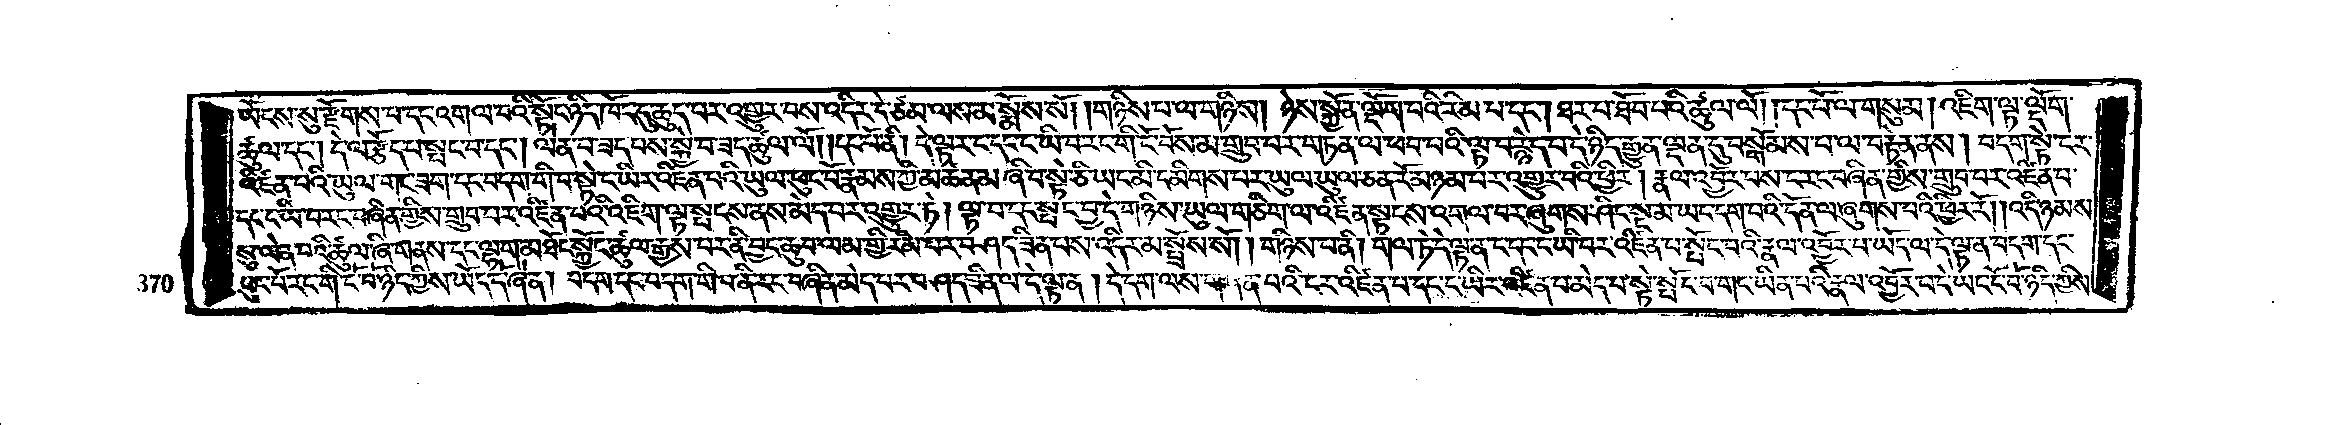ཡོངས་སུ་རྫོགས་པ་དང་འགལ་བའི་སྟོང་ཉིད་ཁོང་དུ་ཆུད་པར་འགྱུར་བས་འདིར་དེ་ཙམ་ལས་མ་སྨོས་སོ། །གཉིས་པ་ལ་གཉིས། ཉེས་སྐྱོན་ལྡོག་པའི་རིམ་པ་དང་། ཐར་པ་ཐོབ་པའི་ཚུལ་ལོ། །དང་པོ་ལ་གསུམ། འཇིག་ལྟ་ལྡོག་
ཚུལ་དང་། དེ་ལ་རྩོད་པ་སྤང་བ་དང་། ལེན་པ་ཟད་པས་སྐྱེ་བ་ཟད་ཚུལ་ལོ། །དང་པོ་ནི། དེ་ལྟར་ང་དང་ང་ཡི་བ་རང་གི་ངོ་བོས་མ་གྲུབ་པར་གཏན་ལ་ཕབ་པའི་ལྟ་བ་རྙེད་པ་དེ་ཉིད་རྒྱུན་ལྡན་དུ་བསྒམས་པ་ལ་བརྟེན་ནས། བདག་སྟེ་ངར་
འཛིན་པའི་ཡུལ་གང་ཟག་དང་བདག་གི་བ་སྟེ་ང་ཡིར་འཛིན་པའི་ཡུལ་ཕུང་པོ་རྣམས་ཀྱི་མཚན་མ་ཞི་བ་སྟེ་ཅི་ཡང་མི་དམིགས་པར་ཡུལ་ཡུལ་ཅན་ངོ་མཉམ་པར་འགྱུར་བའི་ཕྱིར། རྣལ་འབྱོར་བས་ང་རང་བཞིན་གྱིས་གྲུབ་པར་འཛིན་པ་
དང་ང་ཡི་བ་རང་བཞིན་གྱིས་གྲུབ་པར་འཛིན་པའི་འཇིག་ལྟ་སྤངས་ནས་མེད་པར་འགྱུར་ཏེ། ལྟ་བ་དང་སྤང་བྱ་དེ་གཉིས་ཡུལ་གཅིག་ལ་འཛིན་སྟངས་འགལ་བར་ཞུགས་ཤིང་སྔ་མ་ཡང་དག་པའི་དོན་ལ་ཞུགས་པའི་ཕྱིར་རོ། །འདི་ཉམས་
སུ་ལེན་པའི་ཚུལ་ཞི་གནས་དང་ལྷག་མཐོང་སྐྱོང་ཚུལ་རྒྱས་པར་ནི་བྱང་ཆུབ་ལམ་གྱི་རིམ་པར་བཤད་ཟིན་པས་འདིར་མ་སྤྲོས་སོ། །གཉིས་པ་ནི། གལ་ཏེ་དེ་ལྟ་ན་ང་དང་ང་ཡི་བར་འཛིན་པ་སྤོང་བའི་རྣལ་འབྱོར་བ་ཡོད་ལ་དེ་ལྟ་ན་བདག་དང་
ཕུང་པོ་རང་གི་ངོ་བོ་ཉིད་ཀྱིས་ཡོད་དོ་ཞེ་ན། བདག་དང་བདག་གི་བ་ནི་རང་བཞིན་མེད་པར་བཤད་ཟིན་ལ་དེ་ལྟ་ན། དེ་དག་ལས་གཞན་པའི་ངར་འཛིན་པ་དང་ང་ཡིར་འཛིན་པ་མེད་པ་སྟེ་སྤོང་བ་གང་ཡིན་པའི་རྣལ་འབྱོར་པ་དེ་ཡང་ངོ་བོ་ཉིད་ཀྱིས་